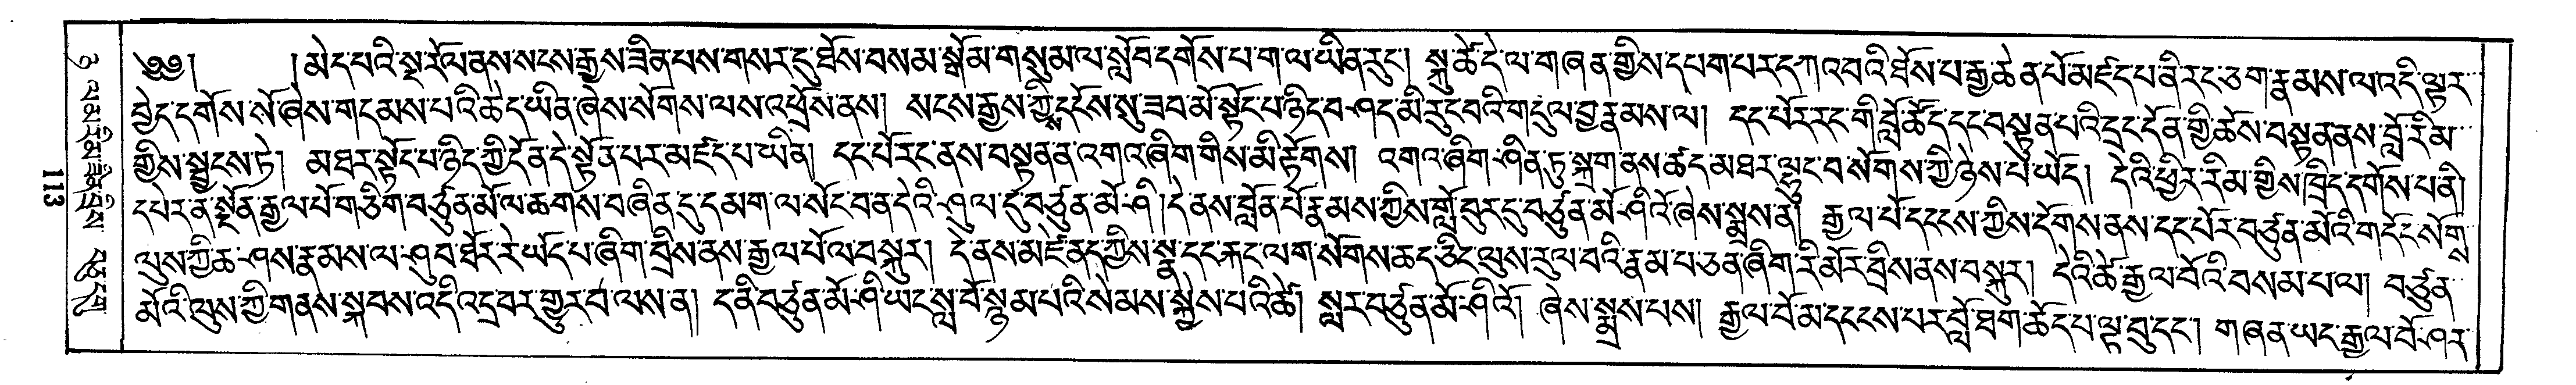༄༅། །མེད་པའི་སྔ་རོལ་ནས་སངས་རྒྱས་ཟིན་པས་གསར་དུ་ཐོས་བསམ་སྒོམ་གསུམ་ལ་སློབ་དགོས་པ་གལ་ཡིན་རུང་། སྐུ་ཚེ་དེ་ལ་གཞན་གྱིས་དཔག་པར་དཀའ་བའི་ཐོས་པ་རྒྱ་ཆེན་པོ་མཛད་པ་ནི་རང་ཅག་རྣམས་ལ་འདི་ལྟར་
བྱེད་དགོས་སོ་ཞེས་གདམས་པའི་ཆེད་ཡིན་ཞེས་སོགས་ལས་འཕྲོས་ནས། སངས་རྒྱས་ཀྱིས་དངོས་སུ་ཟབ་མོ་སྟོང་པ་ཉིད་བཤད་མི་རུང་བའི་གདུལ་བྱ་རྣམས་ལ། དང་པོར་རང་གི་བློ་ཚོད་དང་བསྟུན་པའི་དྲང་དོན་གྱི་ཆོས་བསྟན་ནས་བློ་རིམ་
གྱིས་སྦྱངས་ཏེ། མཐར་སྟོང་བ་ཉིད་ཀྱི་དོན་དེ་སྟོན་པར་མཛད་པ་ཡིན། དང་པོ་རང་ནས་བསྟན་ན་འགའ་ཞིག་གིས་མི་རྟོགས། འགའ་ཞིག་ཤིན་ཏུ་སྐྲག་ནས་ཆད་མཐར་ལྟུང་བ་སོགས་ཀྱི་ཉེས་པ་ཡོད། དེའི་ཕྱིར་རིམ་གྱིས་ཁྲིད་དགོས་པ་ནི།
དཔེར་ན་སྔོན་རྒྱལ་པོ་གཅིག་བཙུན་མོ་ལ་ཆགས་བཞིན་དུ་དམག་ལ་སོང་བ་ན་དེའི་ཤུལ་དུ་བཙུན་མོ་ཤི། དེ་ནས་བློན་པོ་རྣམས་ཀྱིས་གློ་བུར་དུ་བཙུན་མོ་ཤིའོ་ཞེས་སྨྲས་ན། རྒྱལ་པོ་དངངས་ཀྱིས་དོགས་ནས་དང་པོར་བཙུན་མོའི་གདོང་སོགས་
ལུས་ཀྱི་ཆ་ཤས་རྣམས་ལ་ཤུ་བ་ཐོར་རེ་ཡོད་པ་ཞིག་བྲིས་ནས་རྒྱལ་པོ་ལ་བསྐུར། དེ་ནས་མཛེ་ནད་ཀྱིས་སྣ་དང་རྐང་ལག་སོགས་ཆད་ཅིང་ལུས་རུལ་བའི་རྣམ་པ་ཅན་ཞིག་རི་མོར་བྲིས་ནས་བསྐུར། དེའི་ཚེ་རྒྱལ་པོའི་བསམ་པ་ལ། བཙུན་
མོའི་ལུས་ཀྱི་གནས་སྐབས་འདི་འདྲ་བར་གྱུར་པ་ལས་ན། ད་ནི་བཙུན་མོ་ཤི་ཡང་སླ་བོ་སྙམ་པའི་སེམས་སྐྱེས་པའི་ཚེ། སླར་བཙུན་མོ་ཤིའོ། ཞེས་སྨྲས་པས། རྒྱལ་པོ་མ་དངངས་པར་བློ་ཐག་ཆོད་པ་ལྟ་བུ་དང་། གཞན་ཡང་རྒྱལ་པོ་ཤར་